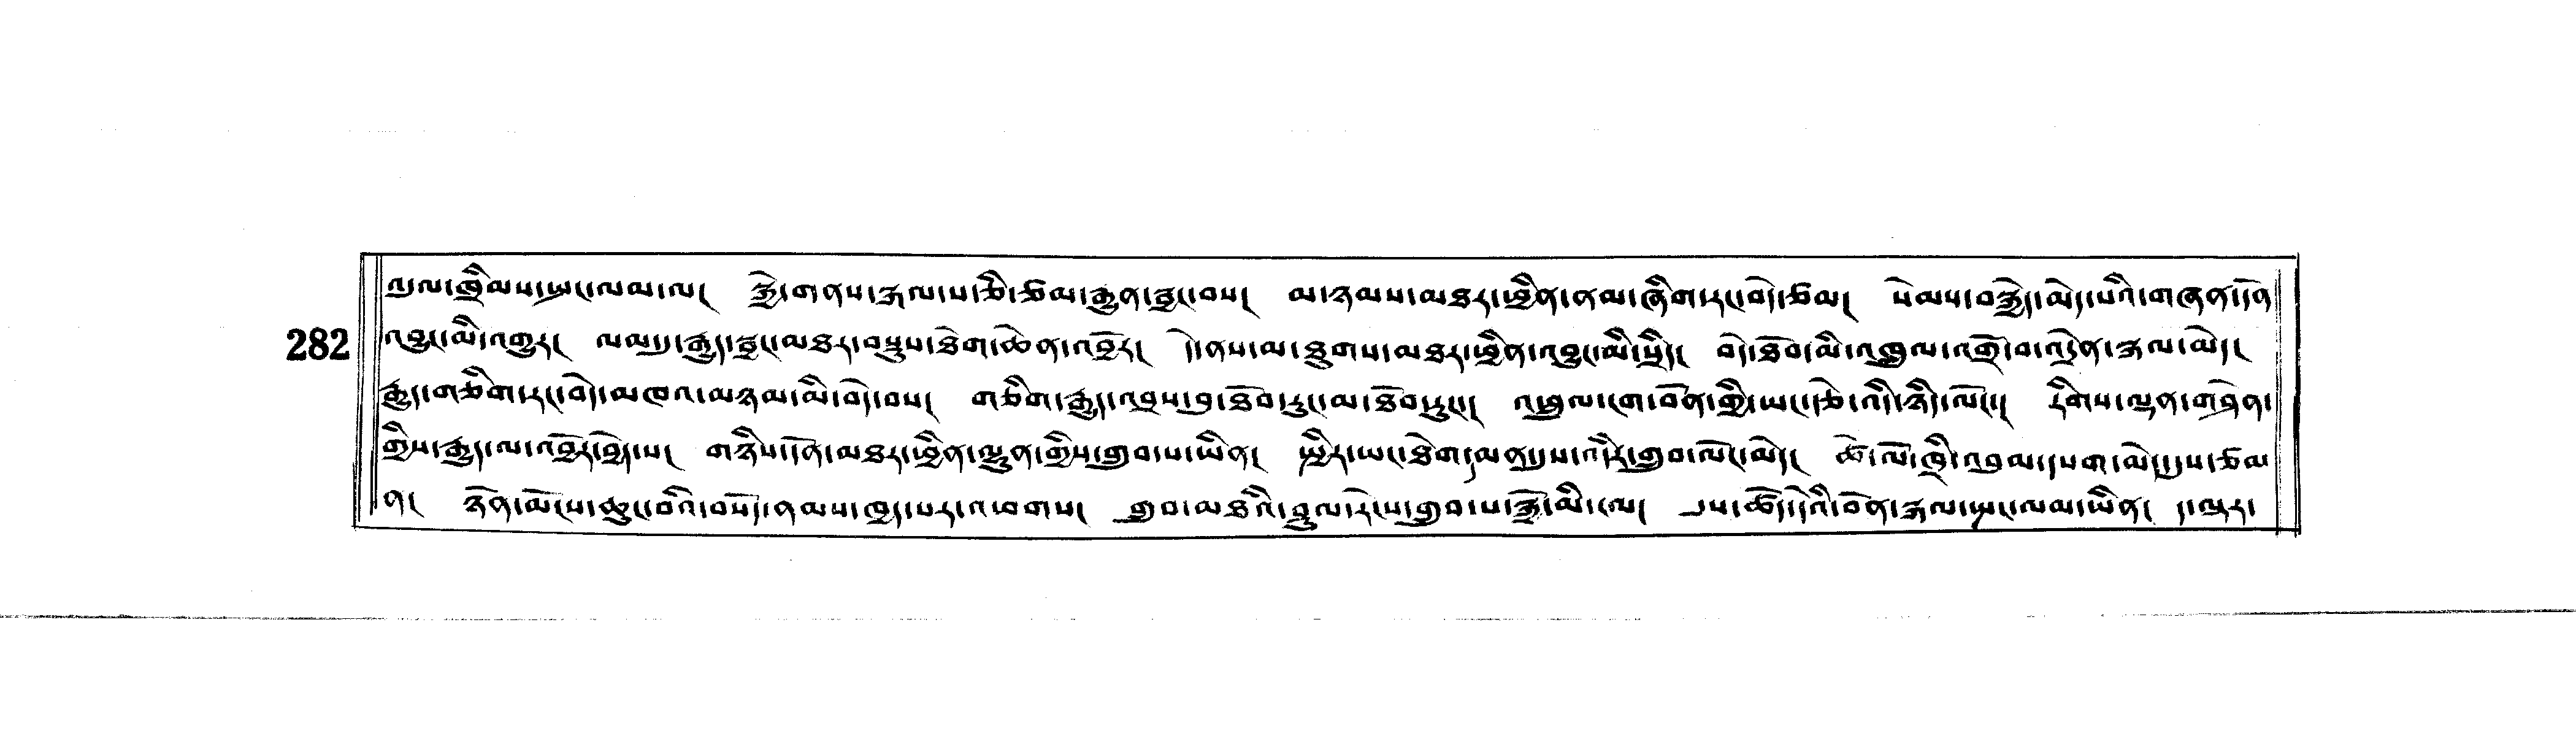འདུལ་ཁྲིམས་སྤང་ལམ་ལ། སྐྱེ་གནས་བསྐལ་པ་ཅི་ཙམ་རྒྱུན་སྦྱང་བས། མ་ཉམས་མཐར་ཕྱིན་ནམ་ཞིག་རང་བདེ་ཙམ། སེམས་བསྐྱེད་མེད་པའི་གཞན་དོན་
འབྱུང་མི་འགྱུར། ལམ་དུ་རྒྱུད་སྦྱངས་མཐར་བསྡུས་ཐེག་ཆེན་འབྱོར། དེ་ནས་མ་ཐུགས་མཐར་ཕྱིན་འབྱུང་མི་སྲིད། བདེ་ཐོབ་མི་འཁྲུལ་འགྲོ་བ་འདྲེན་སྐལ་མེད། 
རྒྱུད་གཅིག་རང་བདེ་མཁའ་མཉམ་མི་བདེ་བས། གཅིག་རྒྱུད་འབྲས་བུ་ཐོབ་དང་མ་ཐོབ་རུང་། འཕྲུལ་ངག་བོན་གྱི་ཡང་རྩེ་འདི་ཉིད་ལོངས། རིག་ལྡན་གཤེན་
གྱི་རྒྱུད་ལ་འབྱོར་བྱེད་པ། གཉིས་དོན་མཐར་ཕྱིན་ལྷུན་གྱིས་གྲུབ་པ་ཡིན། སྤྱིར་ཡང་ཐེག་དམན་དུས་འདིར་གྲུབ་ལོང་མེད། ཚེ་ལོ་ཁྲི་འབུམ་དཔག་མེད་དུས་ཙམ་
ན། ཉོན་མོངས་ཆུང་བའི་བསོད་ནམས་ཁྱད་པར་འཕགས། གྲུབ་མཐའི་ཤུལ་རིང་གྲུབ་པ་སྐྱོ་མི་ངལ། དུས་ཚོད་དེའི་བོན་སྐལ་སྤང་ལམ་ཡིན། ད་ལྟར་